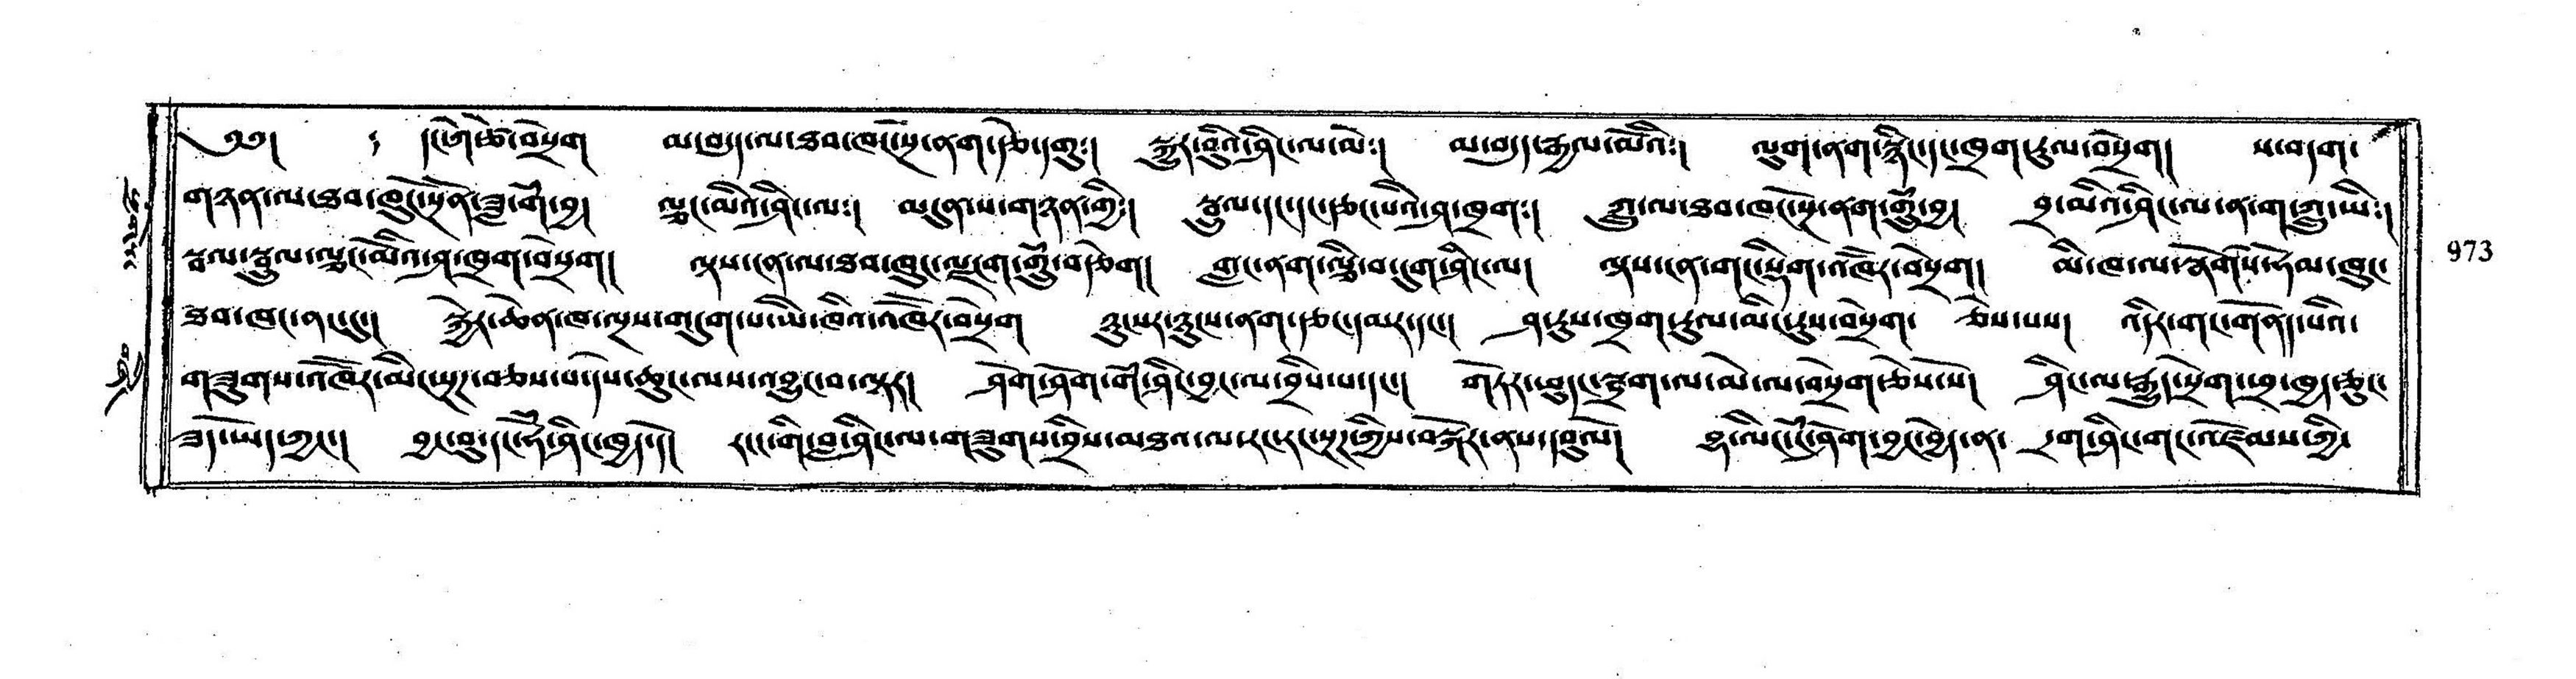དང་ཀེ་ཙེ་བསྲེག མ་བདུད་ལ་ཐབ་ཁང་སྔོ་ནག་རྩེ་དགུ༴། སྐྱུར་བུའི་ཤིང་ལ་མེ༴། མ་བདུད་རྒྱལ་མོའི༴། ལུག་ནག་སྙིང་དང་ཁྲག་རུལ་བསྲེག། ས་བདག་
གཉན་ལ་ཐབ་ཁུང་སྔོན་པོ་ཟླ་གམ་བྱ། ལྕང་མའི་ཤིང་ལ༴། མདུན་པ་གཉན་གྱི༴། སྦྲུལ་དང་རྩང་པའི་ཤ་ཁྲག༴། ཀླུ་ལ་ཐབ་ཁང་སྔོ་ནག་གྲུ་གསུམ་བྱ། བྲ་མའི་ཤིང་ལ་ན་ག་ཀླུ་ཡི༴། 
སྦལ་སྦྲུལ་ལྕང་མོའི་ཤ་ཁྲག་བསྲེག ལྟས་ངན་ལ་ཐབ་ཁུང་ལྗང་ནག་གྲུ་གསུམ་བརྩེག གླང་ནག་ལྕི་བ་དུག་ཤིང་ལ། ལྟས་ངན་གང་སྡིག་འཁོར་ལོ་བསྲེག མི་ཁ་ལ་སྣ་ཚོགས་ཧོམ་ཁུང་
ཐབ་ཁང་ནང་དུ་། སྐྱེར་ཆེན་ཁ་ལྔས་གདུག་པ་ཡི་ཁའི་འཁོར་ལོ་བསྲེག ཉུངས་དཀར་ཉུངས་ནག་རྩང་དམར་དང་། ཤ་རུས་ཁྲག་རུལ་མིང་རུས་བསྲེག་ཅེས་པས། འདིར་གང་གནོད་པའི་
གཟུགས་འཁོར་ལོ་མིང་སྔགས་བཅས་པ་དེས་ཆུང་ལས་འབྱུང་བ་ལྟར། ཤོག་ཤོག་གམ་ཤིང་བྱང་ལ་བྲིས་པ་དང་། གཏོར་ཕུད་དང་སྦྲག་ལ་མེ་ལ་བསྲེག་ཅེས་སོ། ཤིང་ལ་རྒྱུད་སྲེག་ཕྲ་ཁྱད་ཅུང་
ཟད་ཡོད་ཀྱང་། བྱང་བུ་དང་ཧོཾ་ཤིང་ཁྱད་དོ། རང་རང་གི་བླ་ཤིང་ལ་གཟུགས་བྲིས་མཐའ་ལ་རང་རང་སྔགས་ཀྱིས་བསྐོར་ནས་དབུལ་ལོ། བྷ་ལིང་ངཾ་ཤོག་བྱང་བྱེད་ན་དྲག་ཤིང་གང་འཛོམས་ཀྱི་